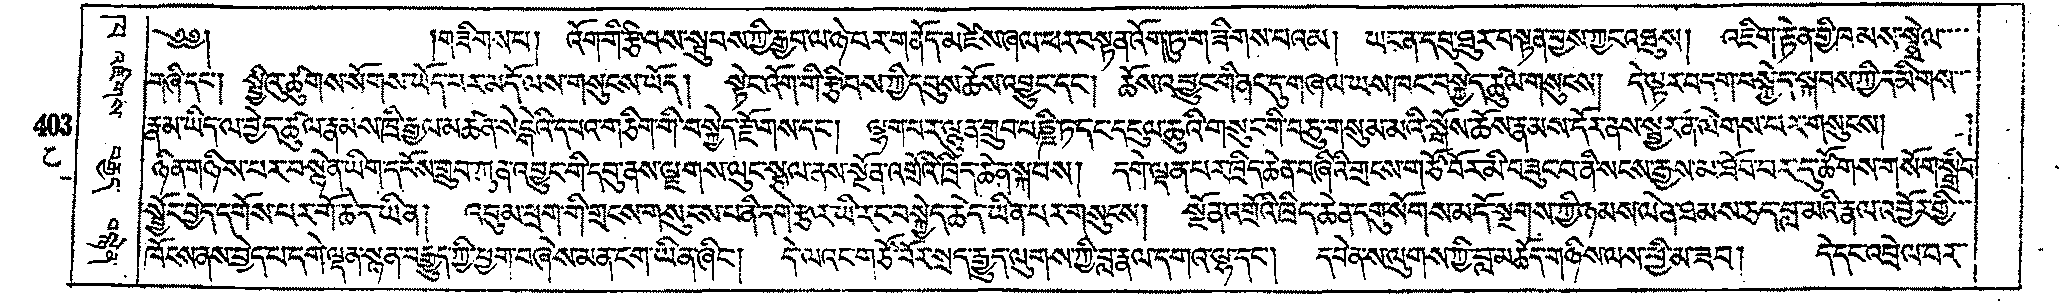༄༅། །གཟིགས་པ། འོག་གི་རྩིབས་སྦུབས་ཀྱི་རྒྱབ་ལ་ཉེ་བར་གནོད་མཛེས་ཞལ་ཕར་བསྟན་འོག་ཏུ་གཟིགས་པའམ། ཡང་ན་དབུ་ཐུར་བསྟན་བྱས་ཀྱང་འཐུས། འཇིག་རྟེན་གྱི་ཁམས་སྣྲེལ་་་
གཞི་དང་། སྤྱིའུ་ཚུགས་སོགས་ཡོད་པར་མདོ་ལས་གསུངས་ཡོད། སྟེང་འོག་གི་རྩིབས་ཀྱི་དབུས་ཆོས་འབྱུང་དང་། ཆོས་འབྱུང་གི་ནང་དུ་གཞལ་ཡས་ཁང་བསྐྱེད་ཚུལ་གསུངས། དེ་ལྟར་བདག་བསྐྱེད་སྐབས་ཀྱི་དམིགས་་་
རྣམ་ཡིད་ལ་བྱེད་ཚུལ་རྣམས་ཁྲི་རྒྱལ་མཚན་སེངྒེའི་དཔའ་གཅིག་གི་བསྐྱེད་རྫོགས་དང་། ལྷག་པར་ལྷུན་གྲུབ་པཎྜི་ཏ་དང་དངུལ་ཆུའི་གསུང་གི་བཅུ་གསུམ་མའི་སྒོས་ཆོས་རྣམས་དོར་ནས་སྦྱར་ན་ལེགས་པར་གསུངས། །
ཉིན་གཉིས་པར་བསྙེན་ཡིག་དངོས་གྲུབ་ཀུན་འབྱུང་གི་དབུ་ནས་ལྗགས་ལུང་སྩལ་ནས་སྔོན་འགྲོའི་ཁྲིད་ཆེན་སྐབས། དགེ་ལྡན་པར་ཁྲིད་ཆེན་བཞིའི་གྲངས་གཙོ་བོར་མི་བཟུང་བ་ནི་སངས་རྒྱས་མ་ཐོབ་བར་དུ་ཚོགས་གསོག་སྒྲིབ་
སྦྱོང་བྱེད་དགོས་པར་གོ་ཆེད་ཡིན། འབུམ་ཕྲག་གི་གྲངས་གསུངས་པ་ནི་དགེ་རྩར་ཡི་རང་བསྐྱེད་ཆེད་ཡིན་པར་གསུངས། སྔོན་འགྲོའི་ཁྲིད་ཆེན་དགུ་སོགས་མདོ་སྔགས་ཀྱི་ཉམས་ལེན་ཐམས་ཅད་བླ་མའི་རྣལ་འབྱོར་གྱི་་་
ཁོངས་ནས་བྱེད་པ་དགེ་ལྡན་སྙན་བརྒྱུད་ཀྱི་ཕྱག་བཞེས་མན་ངག་ཡིན་ཞིང་། དེ་ལའང་གཙོ་བོར་སྲད་རྒྱུད་ལུགས་ཀྱི་བླ་རྣལ་དགའ་ལྷ་དང་། དབེན་ས་ལུགས་ཀྱི་བླ་མཆོད་གཉིས་ལས་ཕྱི་མ་ཟབ། དེ་དང་འབྲེལ་བར་་་